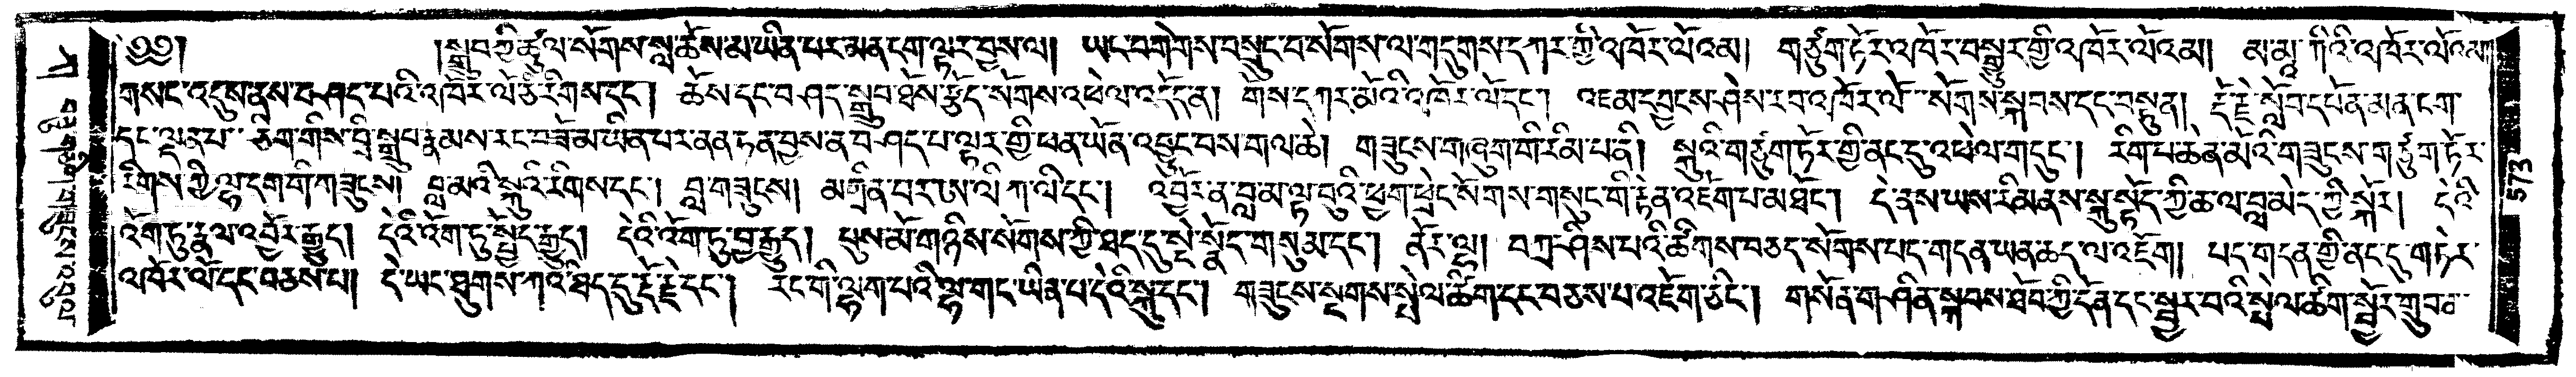༄༅། །སྒྲུབ་ཀྱི་ཚུལ་སོགས་སླ་ཆོས་མ་ཡིན་པར་མན་ངག་ལྟར་བྱས་ལ། ཡང་བགེགས་བསྲུང་བ་སོགས་ལ་གདུགས་དཀར་ཀྱི་འཁོར་ལོའམ། གཙུག་ཏོར་འཁོར་བསྒྱུར་གྱི་འཁོར་ལོའམ། མ་མཱ་ཀིའི་འཁོར་ལོའམ་
གསང་འདུས་ནས་བཤད་པའི་འཁོར་ལོ་ཅི་རིགས་དང་། ཆོས་དང་བཤད་སྒྲུབ་ཐོས་རྩོད་སོགས་འཕེལ་འདོད་ན། གོས་དཀར་མོའི་འཁོར་ལོ་དང་། འཇམ་དབྱངས་ཤེས་རབ་འཁོར་ལོ་སོགས་སྐབས་དང་བསྟུན། རྡོ་རྗེ་སློབ་དཔོན་མན་ངག་
དང་ལྡན་པ་ཅིག་གིས་བྲི་སྒྲུབ་རྣམས་རང་བཟོ་མ་ཡིན་པར་ནན་ཏན་བྱས་ན་བཤད་པ་ལྟར་གྱི་ཕན་ཡོན་འབྱུང་བས་གལ་ཆེ། གཟུངས་གཞུག་གི་རིམ་པ་ནི། སྐུའི་གཙུག་ཏོར་གྱི་ནང་དུ་འཕེལ་གདུང་། རིག་པ་ཆེན་མོའི་ཟུང་གཙུག་ཏོར་
རིགས་ཀྱི་ལྷ་དག་གི་གཟུངས། བླ་མའི་སྐུའི་རིགས་དང་། བླ་གཟུངས། མགྲིན་པར་ཨ་ལི་ཀ་ལི་དང་། འབྱོན་ན་བླ་མ་ལྟ་བུའི་ཕྱག་ཕྲེང་སོགས་གསུང་གི་རྟེན་འཇོག་པ་མཐོང་། དེ་ནས་ཡས་རིམ་ནས་སྐུ་སྟོད་ཀྱི་ཆ་ལ་བླ་མེད་ཀྱི་སྐོར། དེའི་
འོག་ཏུ་རྣལ་འབྱོར་རྒྱུད། དེའི་འོག་ཏུ་སྤྱོད་རྒྱུད། དེའི་འོག་ཏུ་སྤྱོད་རྒྱུད། དེའི་འོག་ཏུ་བྱ་རྒྱུད། པུས་མོ་གཉིས་སོགས་ཀྱི་ཐད་དུ་སྡེ་སྣོད་གསུམ་དང་། ནོར་ལྷ། བཀྲ་ཤིས་པའི་ཚིགས་བཅད་སོགས་པད་གདན་ཡན་ཆད་ལ་འཇོག །པད་གདན་གྱི་ནང་དུ་གཏེར་
འཁོར་ལོ་དང་བཅས་པ། དེ་ཡང་ཐུགས་ཀའི་ཐད་དུ་རྡོ་རྗེ་དང་། རང་གི་ལྷག་པའི་ལྷ་གན་གྱིན་པ་དེའི་སྐུ་དང་། གཟུངས་སྔགས་སྤེལ་ཚིག་དང་བཅས་པ་འཇོག་ཅིང་། གསོན་གཤིན་སྐབས་ཐོབ་ཀྱི་དོན་དང་སྦྱར་བའི་སྤེལ་ཚིག་སྦྱོར་གྲུབ?